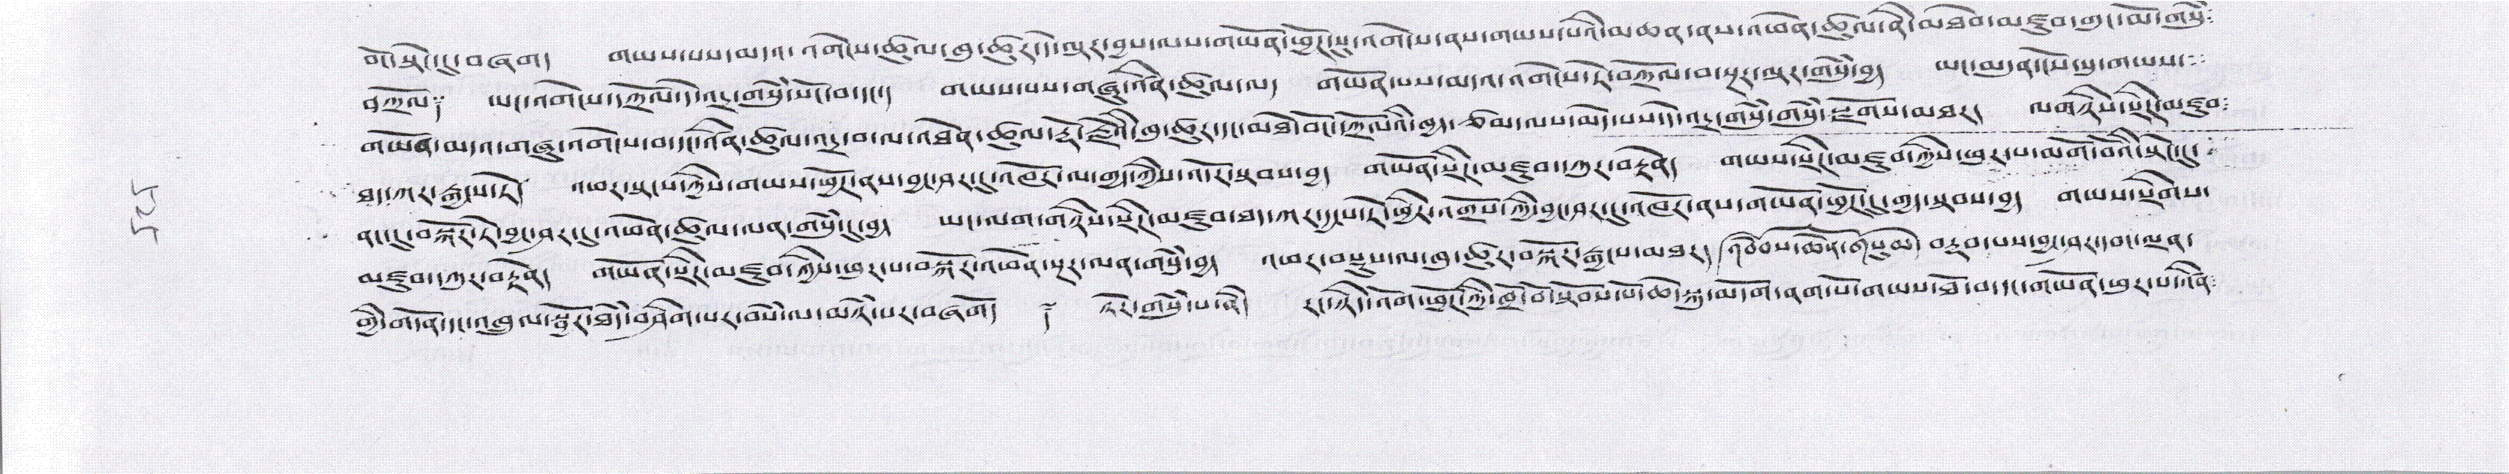བོང་སྟེང་དུ་བཞག གཡས་པས་མདའ་འགེངས་ཚུལ་ཁུ་ཚུར་དེ་ལྟར་བྱས་ལ་གཡོན་ཕྱོགས་སུ་འགེངས་ནས་གཡས་པའི་མཆན་ནས་འཕེན་ཚུལ་ནི་མཐེབ་མཛུབ་གུང་མོི་གསུམ་
བཀྲོལ། ཡང་འགེངས་བཀྲོལ་དེ་འདྲ་གསུམ་སོང་བ་དང་། གཡས་པས་གཞུ་འཛིན་ཚུལ་ལ། གཡོན་པས་མདའ་འགེངས་རེ་བཀྲོལ་བ་སྔར་ལྟར་གསུམ་བྱ། ཡང་མདུན་ངོས་སུ་གཡས་
གཡོན་མདའ་གཞུ་འགེངས་པ་དང་འཛིན་ཚུལ་རྡོ་རྗེའི་ཁུ་ཚུར་དང་མཐེ་བོང་དཀྲོལ་བའི་ཁྱད་ཙམ་ལས་མེད་པ་དེ་འདྲ་གསུམ་གསུམ་རྫོགས་མཐར། ལག་གཉིས་སྡིགས་མཛུབ་
ཐད་ཀར་རྒྱངས་ཏེ། འཕར་སྟངས་ཀྱིས་གཡས་ཕྱོགས་ནས་བྱང་ཤར་དུ་འཁོར་ལ་གྱད་ཀྱི་འདོར་སྟབས་བྱ། གཡོན་སྡིགས་མཛུབ་དཀུར་བརྟེན། གཡས་སྡིགས་མཛུབ་ཀྱིས་ཕུར་པ་མགོ་བོའི་སྟེང་དུ་
ནང་དུ་བསྐོར་ཏེ་བྱང་ཤར་དུ་འཕེན་ཚུལ་ལན་གསུམ་དུ་བྱ། ཡང་ལག་གཉིས་སྡིགས་མཛུབ་ཐད་ཀར་རྒྱངས་ཏེ་ཕྱིར་འགྲོས་ཀྱིས་བྱ་ཤར་དུ་འཁོར་ནས་གཡོན་ཕྱོགས་སུ་གྱད་སྟབས་བྱ། གཡས་སྡིགས་
མཛུབ་དཀུར་བརྟེན། གཡོན་སྡིགས་མཛུབ་ཀྱིས་ཕུར་པ་བསྐོར་འཕེན་སྔར་ལན་གསུམ་བྱ། འཕར་བསྡུས་ལ་ཁུ་ཚུར་བསྐོར་རྒྱངས་མཐར་༼འབེབས་ཆེན་གསུམ་༽བརྡབ་པས་བྱང་ཤར་དབང་ལྡན་
གྱི་གདོན་དང་འཁྲུལ་སྦྱོར་ཐམས་ཅད་བཤིག་པར་བསམ་ལ་མཉམ་པར་བཞག་གོ། ༧ ཉེར་གསུམ་པ་ནི། རང་ཉིད་འོག་ཕྱོགས་ཀྱི་ཁྲོ་བོ་སྟོབས་པོ་ཆེ་སྐུ་མདོག་ནག་པོ་གཡས་ཐོ་བ་དང་གཡོན་ཕུར་པ་འཛིན་